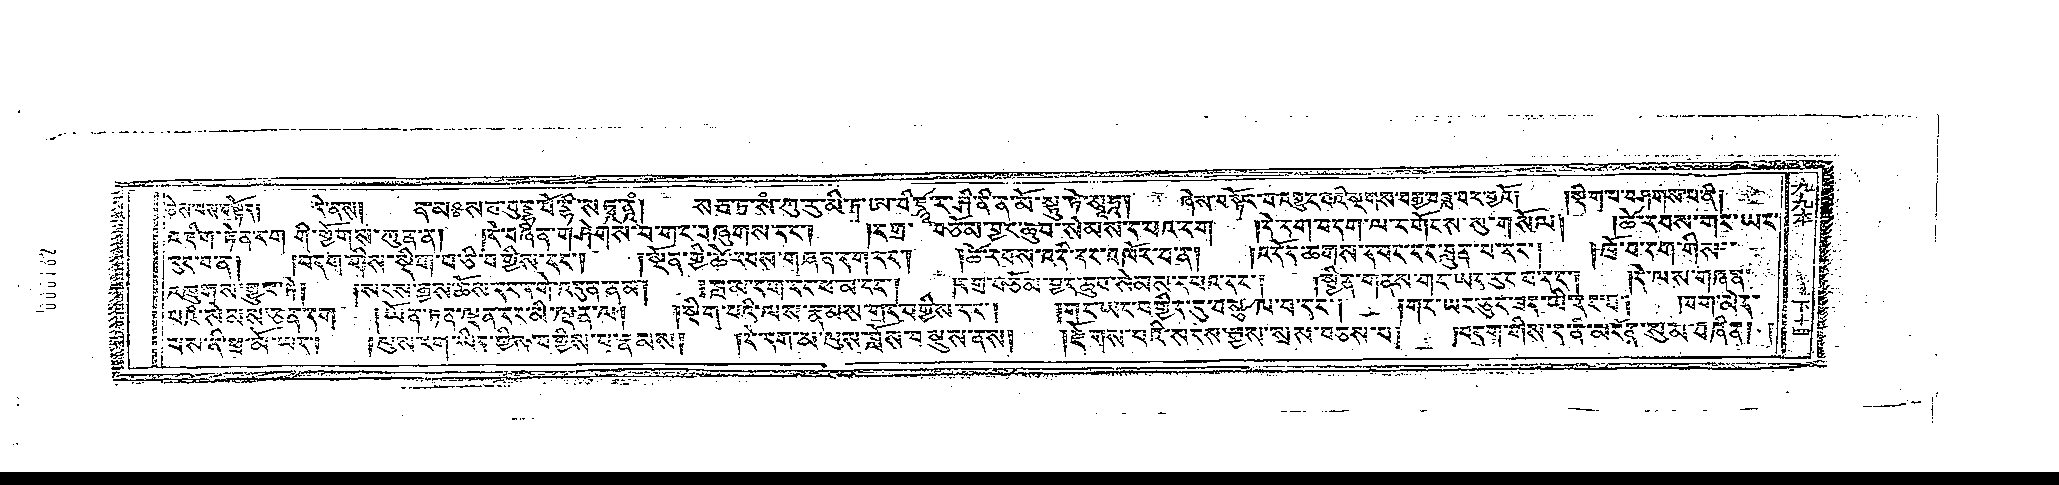ཅེས་པས་བསྟོད། དེ་ནས། ན་མཿ་སརྦ་བུདྡྷ་པོ་དྷི་སཏྭཱ་ནཱི། སརྦ་ཏྲ་སཾ་ཀུ་རུ་མི་ཏ་ཨ་བཛྙཱ་ར་ཤི་ནི་ན་མོ་སྟུ་ཏེ་སྭཱ་ཧཱ། ཞེས་བསྟོད་པ་འབྱུང་བའི་སྔགས་བརྒྱ་བཟླ་བར་བྱའོ། །སྡིག་པ་བཤགས་པ་ནི།
འཇིག་རྟེན་དག་གི་ཕྱོགས་ཀུན་ན། །དེ་བཞིན་གཤེགས་པ་གང་བཞུགས་དང་། །དགྲ་བཅོམ་བྱང་ཆུབ་སེམས་དཔའ་དག །དེ་དག་བདག་ལ་དགོངས་སུ་གསོལ། །ཚེ་རབས་གང་ཡང་
རུང་བ་ནད། །བདག་གིས་སྡིག་པ་ཅི་བགྱིས་དང་། །སྔོན་གྱི་ཚེ་རབས་གཞན་དག་དང་། །ཚེ་རབས་འདི་དང་འཁོར་བ་ན། །འདོད་ཆགས་དབང་དང་བླུན་པ་དང་། །ཁྲོ་བ་དག་གིས་
འཁྲུགས་གྱུར་ཏེ། །སངས་རྒྱས་ཆོས་དང་དགེ་འདུན་ནམ། །བླ་མ་དག་དང་ཕ་མ་དང་། །དགྲ་བཅོམ་བྱང་ཆུབ་སེམས་དཔའ་དང་། །སྦྱིན་གནས་གང་ཡང་རུང་བ་དང་། །དེ་ལས་གཞན་
པའི་སེམས་ཅན་དག །ཡོན་ཏན་ལྡན་དང་མི་ལྡན་ལ། །སྡིག་པའི་ལས་རྣམས་གང་བགྱིས་དང་། །གང་ཡང་བགྱིད་དུ་བསྩལ་བ་དང་། །གང་ཡང་ཅུང་ཟད་ཡི་རང་བ། །བག་མེད་
པས་ནི་ཕྲ་མོ་ཡང་། །ལུས་ངག་ཡིད་ཀྱིས་བགྱིས་པ་རྣམས། །དེ་དག་མ་ལུས་བློས་བསྡུས་ནས། རྫོགས་པའི་སངས་རྒྱས་སྲས་བཅས་པ། །བདག་གིས་ད་ནི་མངོན་སུམ་བཞིན། །